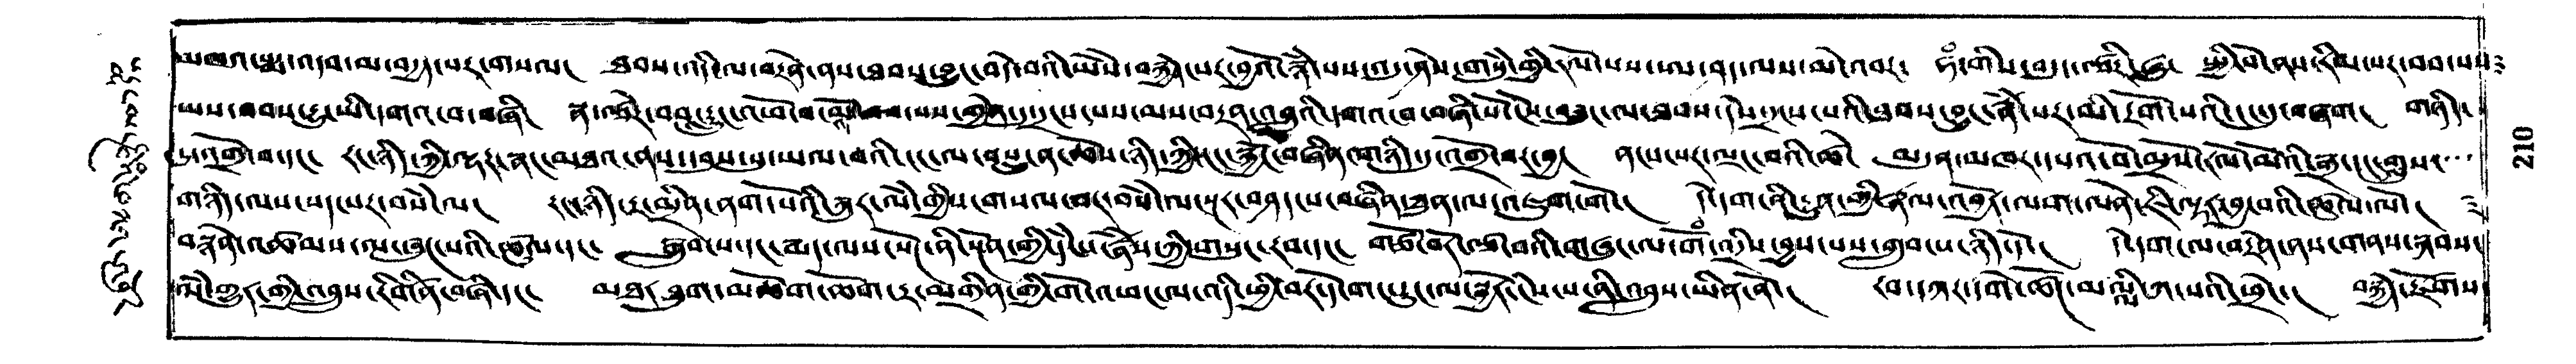མཁའ་པདྨ་འདབ་མ་བརྒྱད་པར་གསལ། ཐབས་འདི་ལ་བརྟེན་ནས་ཐབས་བྱུང་བདེ་བའི་ཡེ་ཤེས་བསྐྱེད་པར་བྱའོ་སྙམ་པས་འདུ་ཤེས་གསུམ་གྱི་རོལ་པས་ཨ་ཤད་ལས་མེ་འབར། ཧཾ་ཡིག་བདུད་རྩིར་ཞུ། སྤྱི་བོ་ནས་རིམ་པར་བབས་པས་
ཡས་བབས་རྒྱུའི་དགའ་བ་བཞི། སྣ་རྩེར་བབ་ས། རླུང་ཕོ་མོ་འཐབ་པས་གྱེན་དུ་དྲངས་པས་མས་བརྟན་འབྲས་བུའི་དགའ་བ་བཞི་པོ་ངོས་བཟུང་ལ་ཐབས་དེས་དྲངས་པའི་ཐབས་བྱུང་རྣམ་པར་མི་རྟོག་པའི་ངང་དུ་བཞག གཉིད་
དུ་འགྲོ་བ་དང་རང་ཉིད་ཀྱི་ལྷར་སྣང་མཐའ་ནས་དབུས་སུ་ཡལ་བའི་ངང་ལ་བསྡུས་ནས་ཆོས་ཉིད་ཀྱི་ངང་སྐྱོང་བཞིན་གཉིད་དུ་འགྲོ་བར་བྱ། ནངས་པར་ལྡང་བའི་ཚེ།མདུན་མཁར་དཔའ་བོ་མཁའ་འགྲོས་རོལ་མོའི་སྒྲ་དང་གླུས་
གཉིད་ལས་སད་པར་བསམ་ལ། རང་ཉིད་རྟ་མགྲིན་ནག་པོའི་སྐུར་ལམ་གྱིས་གསལ་བར་བསམ་ལ་སྔར་བཤད་པ་བཞིན་ཐུན་ལ་འཇུག་གོ། དེ་དག་ནི་རྒྱུན་གྱི་རྣལ་འབྱོར་ལག་ལེན་ཇི་ལྟར་བྱ་བའི་ཚུལ་ལོ།། 
བསྙེན་མཚམས་ལ་ཞུགས་པའི་ཚུལ་དང་། སྒྲུབ་པ་དང་སྨད་ལས་སོགས་ནི་སྔོན་གྱི་དམ་པ་རྣམས་ཀྱི་གསུང་རབས་དང་། གཙོ་བོར་རྩ་བའི་གཞུང་ལ་གོམས་འདྲིས་བྱས་པས་སྒྲུབ་པ་ཉིད་དོ།། དེ་དག་ལ་བརྟེན་ནས་གནས་སྐབས་
ལམ་གྱུར་གྱི་འབྲས་བུ་རིག་འཛིན་བཞི་དང་། མཐར་ཐུག་ཆེ་མཆོག་རྟ་མགྲིན་གྱི་གོ་འཕང་ལ་འདི་ཕྱི་བར་དོ་གང་རུང་ལ་སྦྱོར་ངེས་པ་ནི་འབྲས་བུ་ཡིན་ནོ།། རབ་དཀར་དགེ་ཚོགས་མལླི་ཀ་ཡི་ཕྲེང་། །བསྐྱེད་རྫོགས་༼༢༡༡ ༢༡༢༽